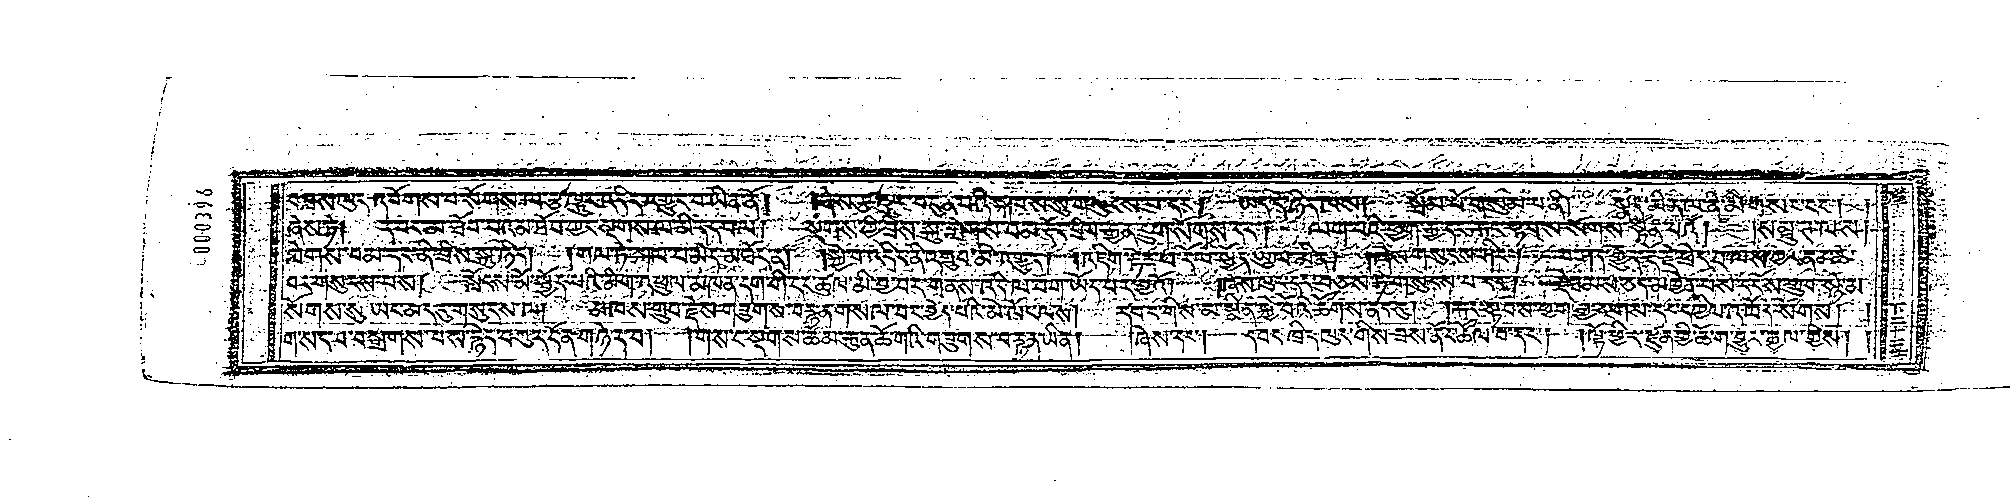བཟླས་ལུང་འབོགས་པ་སོགས་ལ་རྩ་ལྟུང་འདིར་འགྱུར་བ་ཡིན་ནོ། །ཞེས་རྩ་ལྟུང་བདུན་པའི་སྐབས་སུ་གསུངས་པ་དང་། ཡང་དེ་ཉིད་ལས། སྦོམ་པོ་གསུམ་པ་ནི། སྣོད་མིན་ལ་ནི་མི་གསང་དང་། །
ཞེས་ཏེ། དབང་མ་ཐོབ་པའམ་ཐོབ་ཀྱང་སྔགས་ལ་མི་དད་པ་ལ། སྔགས་ཀྱི་བྲེས་སྐུ་གླེགས་བམ་རྡོར་དྲིལ་རྒྱན་དྲུག་སོགས་དང་། ལག་པའི་ཕྱག་རྒྱ་དང་རྐང་སྟབས་སོགས་སྟོན་པའོ། །སམྦུ་ཊ་ལས།
གླེགས་བམ་དང་ནི་བྲིས་སྐུ་ཉིད། །གལ་ཏེ་སྐལ་པ་མེད་མཐོང་ན། །སྐྱེ་བ་འདིར་ནི་འགྲུབ་མི་འགྱུར། །འཇིག་རྟེན་ཕ་རོལ་སྦྱོད་ཡུལ་མིན། །ཞེས་གསུངས་ཤིང་། བཤད་རྒྱུད་རྡོ་རྗེ་ཕྲེང་བ་ལས་ཀྱང་ནན་ཆེ་
བར་གསུངས་པས། སློངས་མོ་སྦྱོད་པའི་མིག་འཕྲུལ་མཁན་དག་གི་དང་ཚུལ་མི་བྱ་བར་གནས་འདི་ལ་བག་ཡོད་པར་བྱའོ། །ཞེས་ལུང་དང་བཅས་ཏེ་གསུངས་པ་དང་། རྗེ་ཐམས་ཅད་མཁྱེན་པས་དངོས་གྲུབ་སྙེ་མ་
སོགས་སུ་ཡང་མང་དུ་གསུངས་ལ། མཁས་གྲུབ་རྗེས་གཟུགས་བརྙན་གསལ་བར་བྱེད་པའི་མེ་ལོང་ལས། དབང་གིས་མ་སྨིན་སྐྱེ་བོའི་ཚོགས་ནང་དུ། །རྐད་སྟབས་ཕྱག་རྒྱ་སྔགས་དང་དཀྱིལ་འཁོར་སོགས། །
གསང་བ་བསྒྲགས་པས་རྙེད་བཀུར་དོན་གཉེར་བ། །གསང་སྔགས་ཆོམ་རྐུན་ཆོ་གའི་གཟུགས་བརྙན་ཡིན། །ཞེས་དང་། དབང་ཁྲིད་ལུང་གིས་ཟས་ནོར་ཚོལ་བ་དང་། །ལྟོ་ཕྱིར་རྫུན་གྱི་ཆོ་ག་བྱུང་རྒྱལ་གྱིས། །